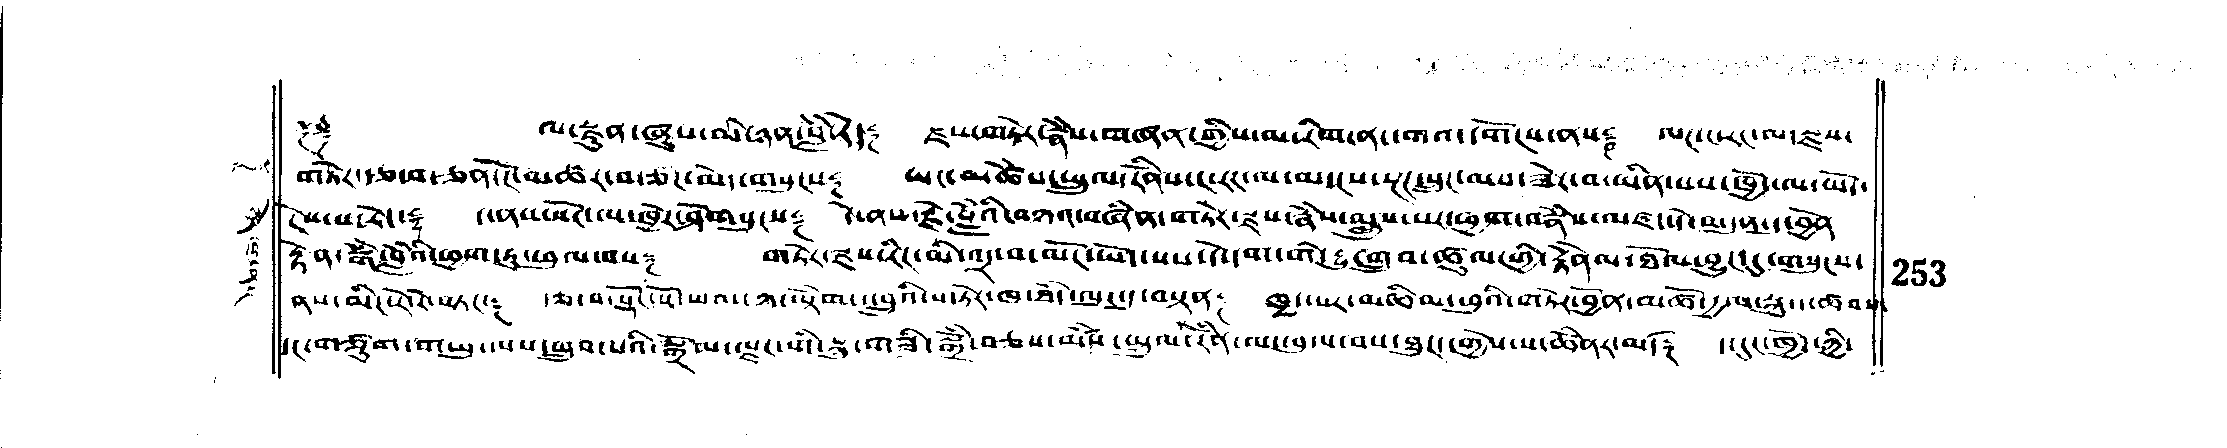ལ་རྫུན་ཞུས་མི་ཉན་བླ་མ་རེད། རྫས་གཏེར་རྣམས་གཞན་གྱིས་མ་རིག་ན་དགའ་དགོངས་ནས། ལགས་ང་རང་ལ་རྫས་
གཏེར་རྩ་བ་ཅན་ངོ་མཚར་བ་ཅང་མེད་གསུངས། ཡང་མཚམས་སྤྲུལ་རིན་པོ་ཆེས་ང་རང་ལ་མདངས་སྔགས་སྲུང་མས་ཟེར་བ་ཡིན་པས་ཁྱོད་ལ་ཡོད་
ངེས་པ་རེད། ད་ནས་སོང་ལ་ཁྱེར་ཤོག་གསུངས། དེ་ནས་རྗེ་བླ་མའི་བཀའ་བཞིན་གཏེར་རྫས་རྣམས་མ་ལུས་པར་ཕྱག་བསྣམས་མཛད་དེ་མདུན་དུ་བྱོན། 
རྟེན་སྒམ་བླ་མའི་ཕྱག་ཏུ་ཕུལ་བས། གཏེར་རྫས་རིགས་མི་འདྲ་བ་མང་པོ་ཡོད་པས་དེ་དག་གི་རྒྱུ་གྲུབ་ཚུལ་གྱི་རྟེན་འབྲེལ་ཐོལ་བྱུང་དུ་གསུངས་
ནས་མིང་རེ་རེ་བཏགས། རྩ་བ་སྡོང་པོ་ཡལ་ག་སྟག་མ་འབྲུའི་གཏེར་ཁ་ཐམས་ཅད་ལུང་དུ་བསྟན། ཁྱད་པར་མཆིམས་ཕུའི་གཏེར་བྱོན་མཚོ་རྒྱལ་སྐུ་ཚབ་
དང་གཙུག་གཡུ་ལས་གྲུབ་པའི་སྒྲོལ་ལྗང་གི་སྐུ་གཟི་སྒྲོམ་བཅས་མཚམས་སྤྲུལ་རིན་པོ་ཆེ་ལ་ཕུལ་བས་ཐུགས་དགྱེས་པ་ཆེན་པོར་མཛད། ད་དུང་ཁྱོད་ཀྱི་